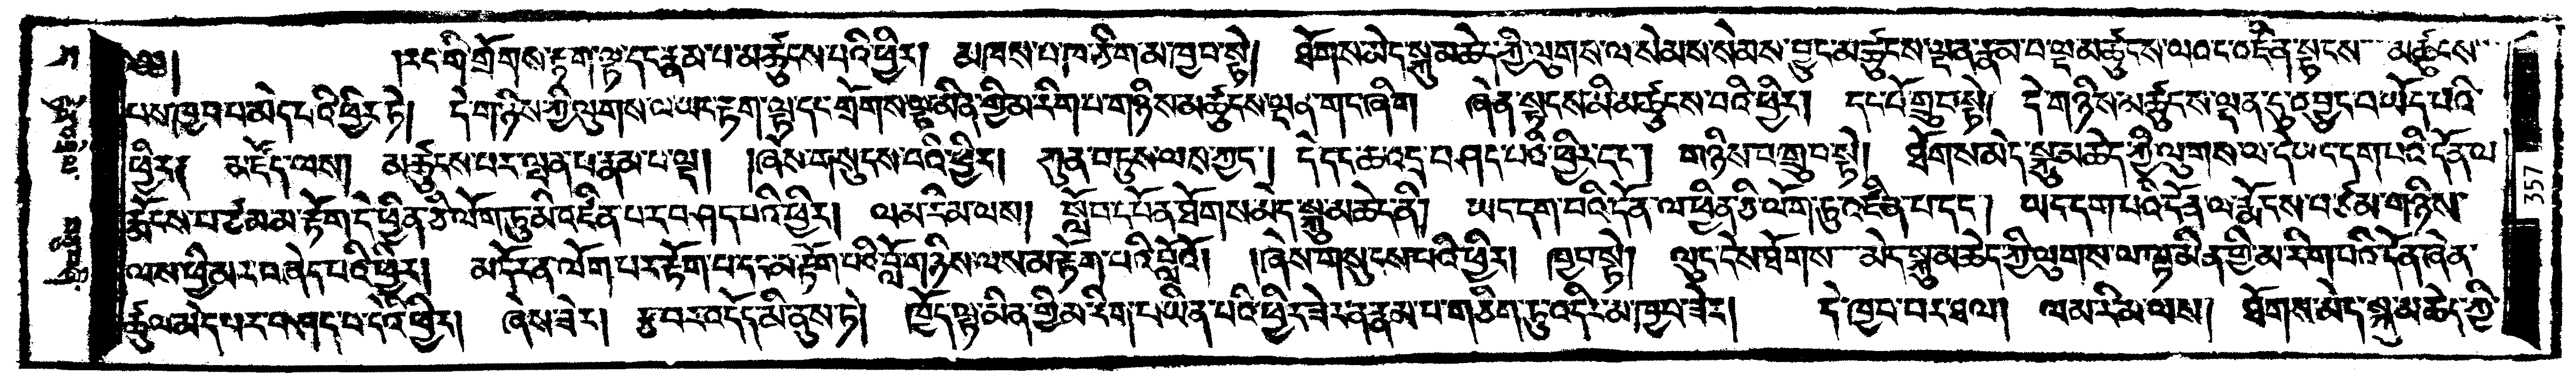༄༅། །རང་གི་གྲོགས་རྟག་ལྟ་དང་རྣམ་པ་མཚུངས་པའི་ཕྱིར། མཁས་པ་ཁ་ཅིག་མ་ཁྱབ་སྟེ། ཐོགས་མེད་སྐུ་མཆེད་ཀྱི་ལུགས་ལ་སེམས་སེམས་བྱུང་མཚུངས་ལྡན་རྣམ་པ་ལྔ་མཚུངས་ལའང་འཛིན་སྟངས་མཚུངས་
པས་ཁྱབ་པ་མེད་པའི་ཕྱིར་ཏེ། དེ་གཉིས་ཀྱི་ལུགས་ལ་ཡང་རྟག་ལྟ་དང་གྲོགས་ལྟ་མིན་གྱི་མ་རིག་པ་གཉིས་མཚུངས་ལྡན་གང་ཞིག །ཞེན་སྟངས་མི་མཚུངས་པའི་ཕྱིར། དང་པོ་གྲུབ་སྟེ། དེ་གཉིས་མཚུངས་ལྡན་དུ་འབྱུང་བ་ཡོད་པའི་
ཕྱིར༑ མཛོད་ལས། མཚུངས་པར་ལྡན་པ་རྣམ་པ་ལྔ། །ཞེས་གསུངས་པའི་ཕྱིར། ཀུན་བཏུས་ལས་ཀྱང་། དེ་དང་ཆ་འདྲ་བཤད་པའི་ཕྱིར་དང་། གཉིས་པ་གྲུབ་སྟེ། ཐོགས་མེད་སྐུ་མཆེད་ཀྱི་ལུགས་ལ་དེ་ཡང་དག་པའི་དོན་ལ་
རྨོངས་པ་ཙམ་མ་རྟོག་དེ་ཕྱིན་ཅི་ལོག་ཏུ་མི་འཛིན་པར་བཤད་པའི་ཕྱིར། ལམ་རིམ་ལས། སློབ་དཔོན་ཐོགས་མེད་སྐུ་མཆེད་ནི། ཡང་དག་པའི་དོན་ལ་ཕྱིན་ཅི་ལོག་ཏུ་འཛིན་པ་དང་། ཡང་དག་པའི་དོན་ལ་རྨོངས་པ་ཙམ་གཉིས་
ལས་ཕྱི་མར་བཞེད་པའི་ཕྱིར། མདོར་ན་ལོག་པར་རྟོག་པ་དང་མ་རྟོག་པའི་བློ་གཉིས་ལས་མ་རྟོག་པའི་བློའོ། །ཞེས་གསུངས་པའི་ཕྱིར། ཁྱབ་སྟེ། ལུང་དེས་ཐོགས་མེད་སྐུ་མཆེད་ཀྱི་ལུགས་ལ་ལྷ་མིན་གྱི་མ་རིག་པའི་དོན་ཞེན་
ཚུལ་མེད་པར་བཤད་པ་དེའི་ཕྱིར། ཞེས་ཟེར། རྩ་བར་འདོད་མི་ནུས་ཏེ། ཁྱོད་ལྟ་མིན་གྱི་མ་རིག་པ་ཡིན་པའི་ཕྱིར་ཟེར་ན་རྣམ་པ་གཅིག་ཏུ་འདིར་མ་ཁྱབ་ཟེར། དེ་ཁྱབ་པར་ཐལ། ལམ་རིམ་ལས། ཐོགས་མེད་སྐུ་མཆེད་ཀྱི་